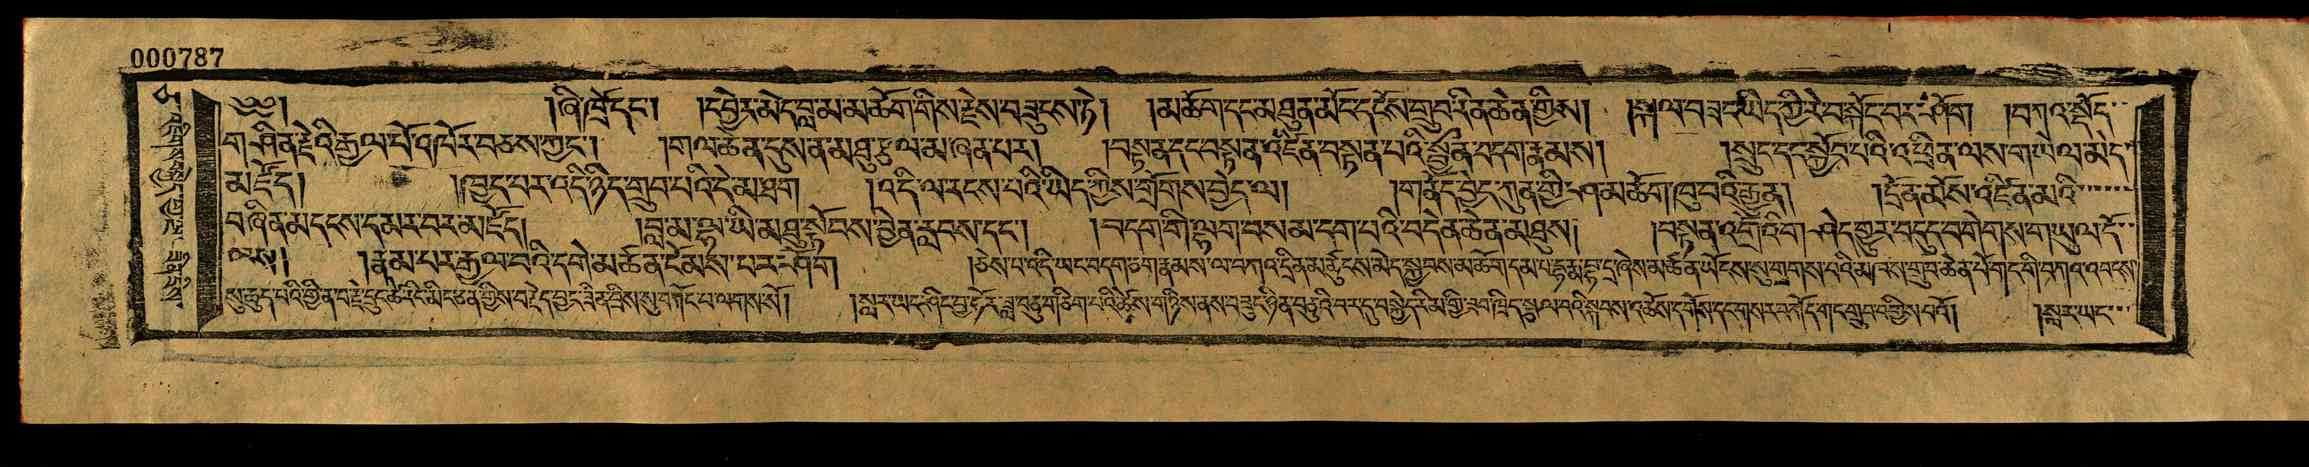༄༅། །ཞི་ཁྲོ་དང་། །དབྱེར་མེད་བླ་མ་མཆོག་གིས་རྗེས་བཟུངས་ཏེ། །མཆོག་དང་མཐུན་མོང་དངོས་གྲུབ་རིན་ཆེན་གྱིས། །སྐལ་བཟང་ཡིད་ཀྱི་རེ་བསྐོང་བར་ཤོག །བཀའ་སྡོད་
གཤིན་རྗེའི་རྒྱལ་པོ་འཁོར་བཅས་ཀྱང་། །གལ་ཆེན་དུས་ན་མཐུ་རྩལ་མ་ཞན་པར། །བསྟན་དང་བསྟན་འཛིན་བསྟན་པའི་སྦྱིན་བདག་རྣམས། །སྲུང་དང་སྐྱོབ་པའི་འཕྲིན་ལས་གཡེལ་མེད་
མཛོད། །ཁྱད་པར་འདི་ཉིད་གྲུབ་པའི་དེ་མ་ཐག །འདི་ལ་རངས་པའི་ཡིད་ཀྱིས་གྲོགས་བྱེད་ལ། །གནོད་བྱེད་ཀུན་གྱི་ཤ་མཆོག་ཁུ་བའི་རྒྱུན། །དྲོན་མོས་འཛིན་མའི་
བཞིན་མདངས་དམར་བར་མཛོད། །བླ་མ་ལྷ་ཡི་མཐུ་སྟོབས་བྱིན་རླབས་དང་། །བདག་གི་ལྷག་བསམ་དག་པའི་བདེན་ཆེན་མཐུས། །བསྟན་འགྲོའི་གཤེད་གྱུར་བདུད་བགེགས་གཡུལ་ངོ་
ལས༑ ༑རྣམ་པར་རྒྱལ་བའི་དགེ་མཚན་ངོམས་པར་ཤོག །ཅེས་པ་འདི་ཡང་བདག་ཅག་རྣམས་ལ་བཀའ་དྲིན་མཚུངས་མེད་སྐྱབས་མཆོག་དམ་པ་དྷརྨ་བྷ་དྲ་ཞེས་མཚན་ཡོངས་སུ་གྲགས་པའི་མཁས་གྲུབ་ཆེན་པོ་གང་གི་བཀའ་འབངས་
སུ་ཆུད་པའི་གྱིན་བ་རྗེ་དྲུང་ཚེ་རིང་མིང་ཅན་གྱིས་བརྗེད་བྱང་ཟིན་བྲིས་སུ་བཀོད་པ་ལགས་སོ། །སླར་ཡང་ཤིང་བྱ་ཧོར་ཟླ་བཅུ་གཅིག་པའི་ཚེས་གཉིས་ནས་བཟུང་ཉིན་བཅུའི་བར་དུ་བསྐྱེད་རིམ་གྱི་ཟབ་ཁྲིད་སྩལ་བའི་སྐབས་འཆོས་དགོས་དང་གསར་བཀོད་གང་གྲུབ་བགྱིས་པའོ། །སླར་ཡང་